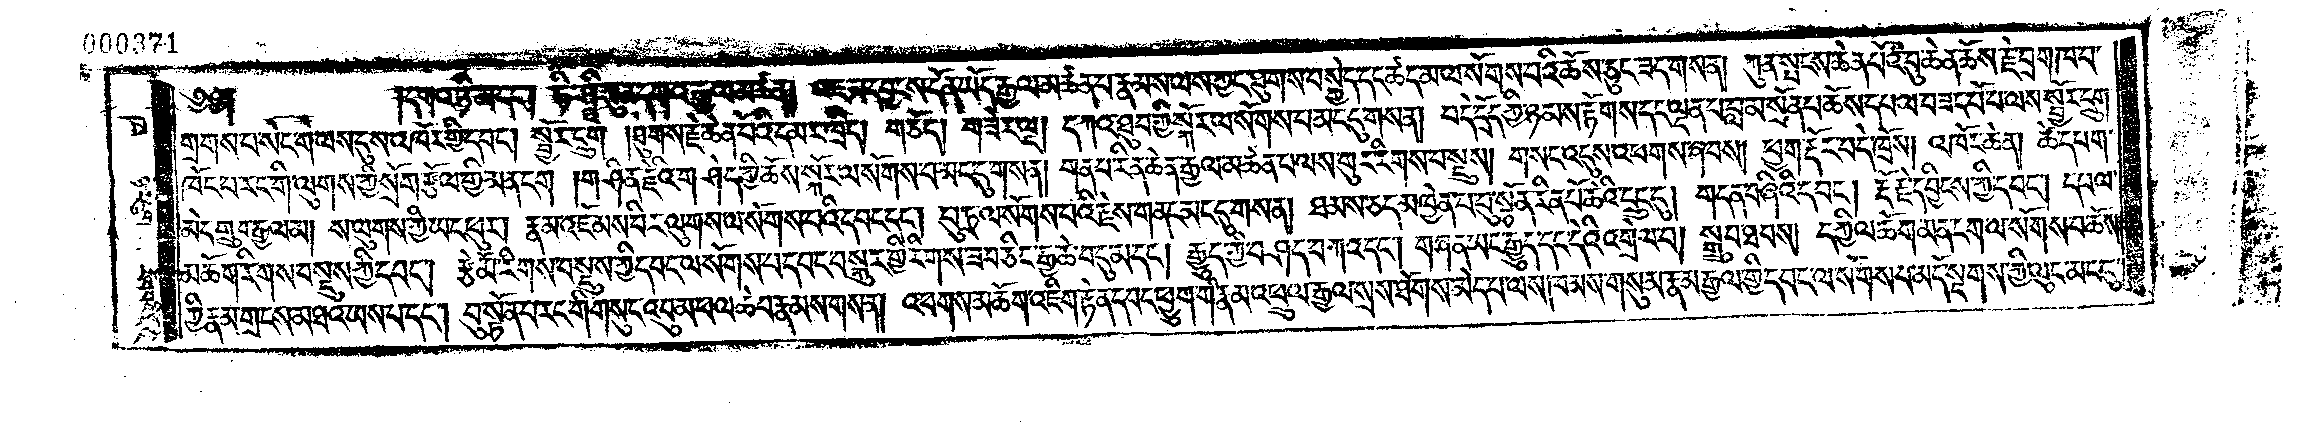༄༅། །དགའ་ཉི་མ་དང་། ཏི་ཤྲཱི་ཀུན་དགའ་རྒྱལ་མཚན། འཇམ་དབྱངས་དོན་ཡོད་རྒྱལ་མཚན་པ་རྣམས་ལས་ཀྱང་ཐུགས་བསྐྱེད་དང་ཚད་མ་ལ་སོགས་པའི་ཆོས་ཅུང་ཟད་གསན། ཀུན་སྤངས་ཆེན་པོའི་བུ་ཆེན་ཆོས་རྗེ་བྲག་ཁ་པ་
གྲགས་པ་སེང་གེ་ལས་དུས་འཁོར་གྱི་དབང་། སྦྱོར་དྲུག །ཐུགས་རྗེ་ཆེན་པོའི་དམར་ཁྲིད། གཅོད། གཟེར་ལྔ། དཀའ་ཐུབ་ཀྱི་སྐོར་ལ་སོགས་པ་མང་དུ་གསན། བདེ་དྲོད་ཀྱི་ཉམས་རྟོགས་དང་ལྡན་པ་བླ་མ་སྲོན་པ་ཆོས་དཔལ་བཟང་པོ་པ་ལས་སྦྱོར་དྲུག་
ཁོང་པ་རང་གི་ལུགས་ཀྱི་སྲོག་རྩོལ་གྱི་མན་ངག །གཤིན་རྗེའི་གཤེད་ཀྱི་ཆོས་སྐོར་ལ་སོགས་པ་མང་དུ་གསན། གན་པ་རིན་ཆེན་རྒྱལ་མཚན་པ་ལས་གུར་རིགས་བསྡུས། གསང་འདུས་འཕགས་ཞབས། ཕྱག་རྡོར་བདེ་ཁྲོས། འཁོར་ཆེན། ཚེ་དཔག་
མེད་གྲུབ་རྒྱལ་མ། ས་ལུགས་ཀྱི་ཡང་ཕུར། རྣམ་འཇོམས་བིར་ལུགས་ལ་སོགས་པའི་དབང་དང་། བུ་ཏྲ་ལ་སོགས་པའི་རྗེས་གནང་མང་དུ་གསན། ཐམས་ཅད་མཁྱེན་པ་བུ་སྟོན་རིན་པོ་ཆེའི་དྲུང་དུ། གདན་བཞིའི་དབང་། རྡོ་རྗེ་དབྱིངས་ཀྱི་དབང་། དཔལ་
མཆོག་རིགས་བསྡུས་ཀྱི་དབང་། རྩེ་མོ་རིགས་བསྡུས་ཀྱི་དབང་ལ་སོགས་པ་དབང་བསྐུར་གྱི་རིགས་ཟབ་ཅིང་རྒྱ་ཆེ་བ་དུ་མ་དང་། རྒྱུད་ཀྱི་བཤད་བཀའ་དང་། གཞན་ཡང་རྒྱུད་དང་དེའི་འགྲེལ་བ། སྒྲུབ་ཐབས། དཀྱིལ་ཆོག་མན་ངག་ལ་སོགས་པ་ཆོས་
ཀྱི་རྣམ་གྲངས་མཐའ་ཡས་པ་དང་། བུ་སྟོན་པ་རང་གི་གསུང་འབུམ་ཕལ་ཆེ་བ་རྣམས་གསན། འཕགས་མཆོག་འཇིག་རྟེན་དབང་ཕྱུག་གི་རྣམ་འཕྲུལ་རྒྱལ་སྲས་ཐོགས་མེད་པ་ལས་ཁམས་གསུམ་རྣམ་རྒྱལ་གྱི་དབང་ལ་སོགས་པ་མདོ་སྔགས་ཀྱི་ལུང་མང་དུ་